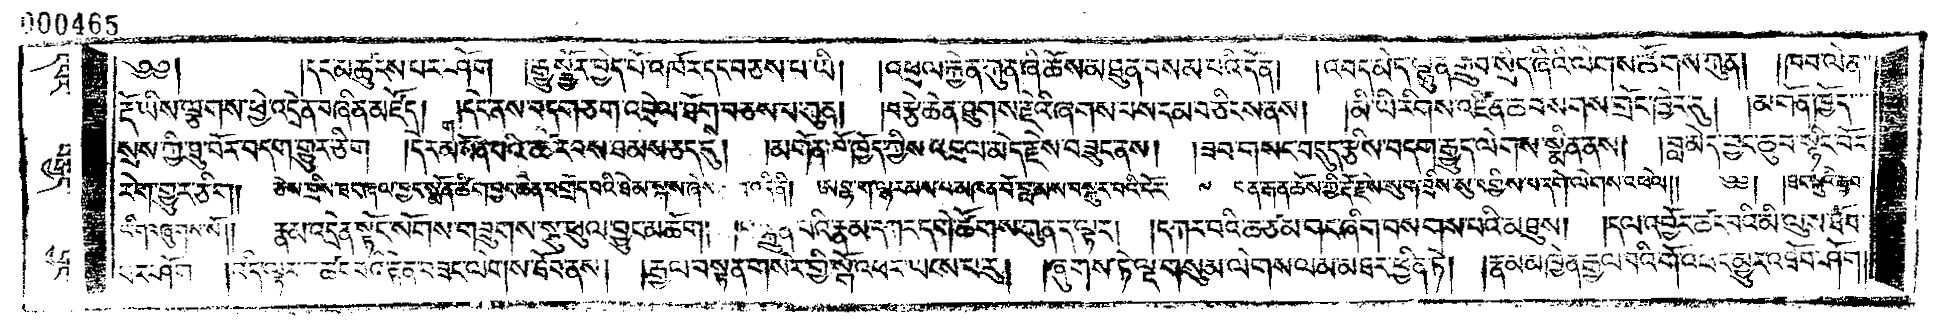༄༅། །དང་མཚུངས་པར་ཤོག །རྒྱུ་སྦྱོར་བྱེད་པོ་འཁོར་དང་བཅས་པ་ཡི། །འཕྲལ་རྐྱེན་ཀུན་ཞི་ཆོས་མཐུན་བསམ་པའི་དོན། །འབད་མེད་ལྷུན་གྲུབ་སྲིད་ཞིའི་ལེགས་ཚོགས་ཀུན། །ཁབ་ལེན་
རྡོ་ཡིས་ལྕགས་ཕྱེ་འདྲེན་བཞིན་མཛོད། །དེང་ནས་བདག་ཅག་འབྲེལ་ཐོགས་བཅས་པ་ཀུན། །བརྩེ་ཆེན་ཐུགས་རྗེའི་ཞགས་པས་དམ་བཅིངས་ནས། །མི་ཡི་རིགས་འཛིན་ཆ་བསགས་གྲོང་ཁྱེར་དུ། །མགོན་ཁྱོད་
སྲས་ཀྱི་ཐུ་བོར་བདག་གྱུར་ཅིག །དེར་མ་གསོན་པའི་ཚེ་རབས་ཐམས་ཅད་དུ། །མགོན་པོ་ཁྱོད་ཀྱིས་འབྲལ་མེད་རྗེས་བཟུང་ནས། །ཟབ་གསང་བདུད་རྩིས་བདག་རྒྱུད་ལེགས་སྨིན་ནས། །བླ་མེད་བྱང་ཆུབ་སྙིང་པོར་
རེག་གྱུར་ཅིག །ཅེས་བྲིས་ཐང་ཞལ་བྱང་སྨོན་ཚིག་བྱང་ཆེན་བགྲོད་པའི་ཐེམ་སྐས་ཞེས་བྱ་བ་འདི་ནི། ཨ་བྷ་ག་ལྷ་རམས་པ་མཁན་པོ་བླ་མས་བསྐུར་བའི་ངོར་༧་ངན་རྒན་ཆོས་ཀྱི་རྡོ་རྗེས་སུག་བྲིས་སུ་བགྱིས་པ་དགེ་ལེགས་འཕེལ།། ༄༅། །ཐང་སྐུའི་རྒྱབ་
ཡིག་བཞུགས་སོ།། རྣམ་འདྲེན་སྟོང་སོགས་གཟུགས་སྐུ་ཕུལ་བྱུང་མཆོག །བསྐྲུན་པའི་རྣམ་དཀར་དགེ་ཚོགས་ཀུན་ད་ལྟར། །དཀར་བའི་ཆ་ཙམ་གང་ཞིག་བསགས་པའི་མཐུས། །དལ་འབྱོར་ཚང་བའི་མི་ལུས་ཐོབ་
པར་ཤོག །འདི་ལྟར་འཚང་བའི་རྟེན་བཟང་ལེགས་ཐོབ་ནས། །རྒྱལ་བསྟན་གསེར་གྱི་སྒོ་འཕར་ཡངས་པ་རུ། །ཞུགས་ཏེ་ལྔ་གསུམ་ལེགས་ལམ་མཐར་ཕྱིན་ཏེ། །རྣམ་མཁྱེན་རྒྱལ་བའི་གོ་འཕང་མྱུར་འཐོབ་ཤོག །